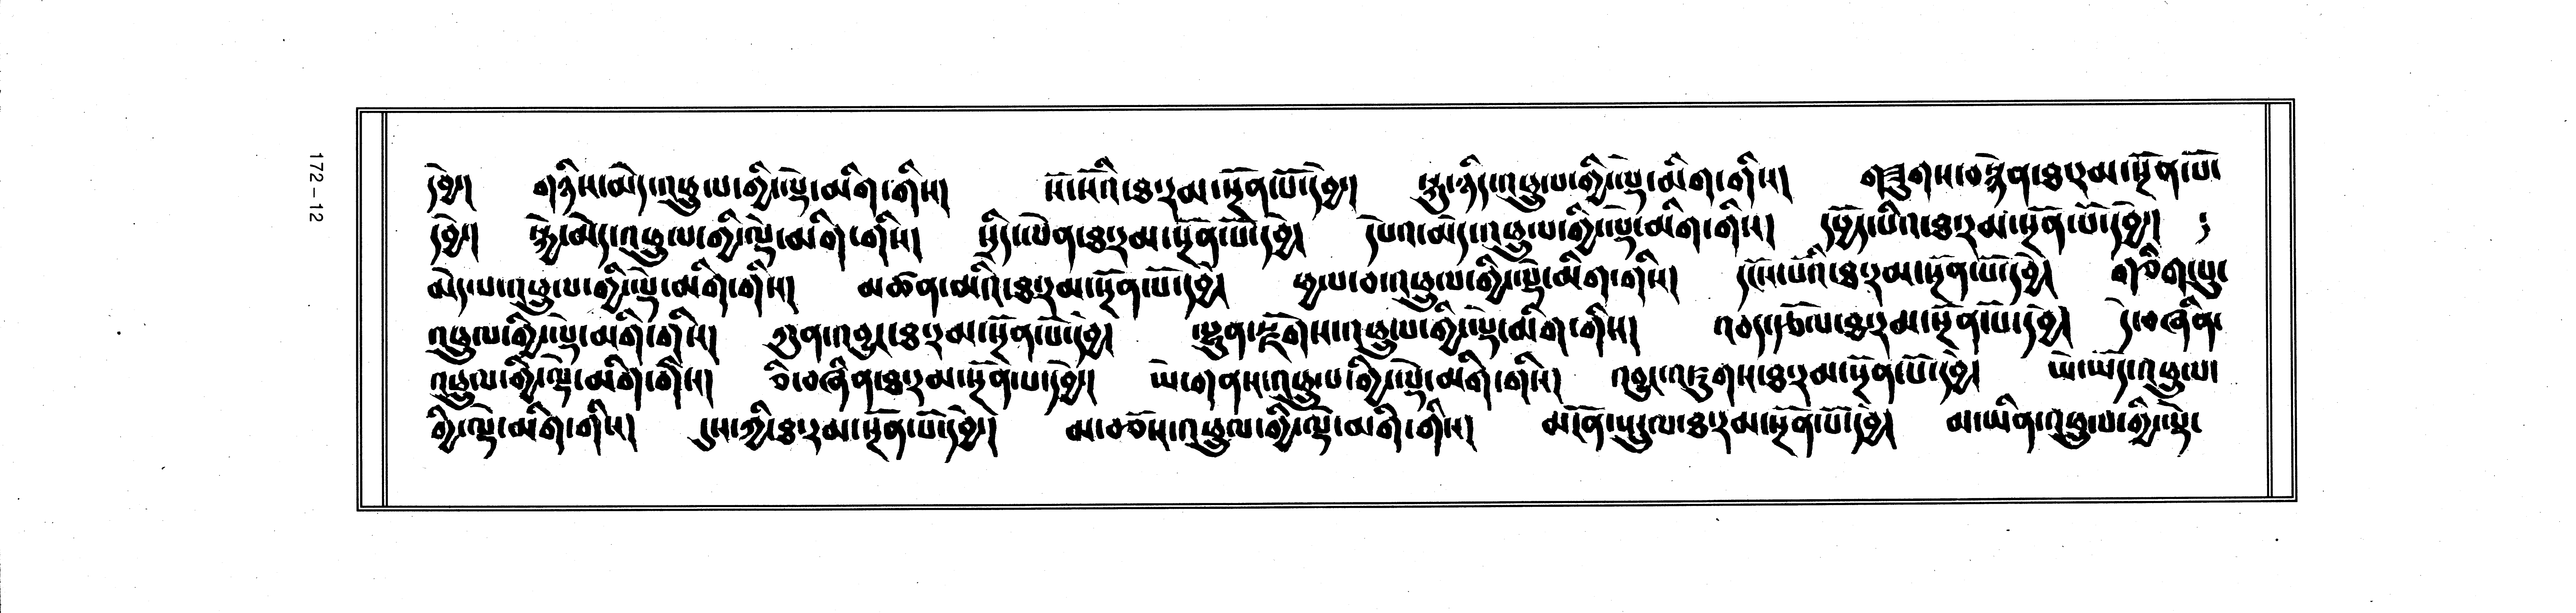དབྱེ། ཆིབས་པ་འཕྲུལ་གྱི་ལྡེ་མིག་གིས།། སྤངས་ལེན་ཐ་རམ་སྔོན་པོ་དབྱེ། གཉིས་མེད་འཕྲུལ་གྱི་ལྡེ་མིག་གིས། སོ་སོའི་ཐ་རམ་སྔོན་པོ་
དབྱེ། སྐུ་ཉིད་འཕྲུལ་གྱི་ལྡེ་མིག་གིས། གཟུགས་བརྙན་ཐ་རམ་སྔོན་པོ་དབྱེ། སྐྱེ་མེད་འཕྲུལ་གྱི་ལྡེ་མིག་གིས། སྲིད་ལེན་ཐ་རམ་སྔོན་པོ་དབྱེ། །
མེད་པ་འཕྲུལ་གྱི་ལྡེ་མིག་གིས། དཔྱོད་པའི་ཐ་རམ་སྔོན་པོ་དབྱེ། མེད་པ་འཕྲུལ་གྱི་ལྡེ་མིག་གིས། མཚན་མའི་ཐ་རམ་སྔོན་པོ་དབྱེ། གཅིག་པུ་
འཕྲུལ་གྱི་ལྡེ་མིག་གིས། དངོས་པོའི་ཐ་རམ་སྔོན་པོ་དབྱེ། གཅིག་པུ་འཕྲུལ་གྱི་ལྡེ་མིག་གིས། ཀུན་འབྱུང་ཐ་རམ་སྔོན་པོ་དབྱེ། དེ་བཞིན་
འཕྲུལ་གྱི་ལྡེ་མིག་གིས། འབད་རྩོལ་ཐ་རམ་སྔོན་པོ་དབྱེ། དེ་བཞིན་འཕྲུལ་གྱི་ལྡེ་མིག་གིས། ཅི་བཞིན་ཐ་རམ་སྔོན་པོ་དབྱེ། ཡེ་ཡོད་འཕྲུལ་
གྱི་ལྡེ་མིག་གིས། འབྱུང་འཇུགས་ཐ་རམ་སྔོན་པོ་དབྱེ། ཡེ་ཡོད་འཕྲུལ་གྱི་ལྡེ་མིག་གིས། དུས་ཀྱི་ཐ་རམ་སྔོན་པོ་དབྱེ། མ་བཅོས་འཕྲུལ་གྱི་ལྡེ་མིག་གིས། མངོན་སྤྲུལ་ཐ་རམ་སྔོན་པོ་དབྱེ། མ་ཡིན་འཕྲུལ་གྱི་ལྡེ་